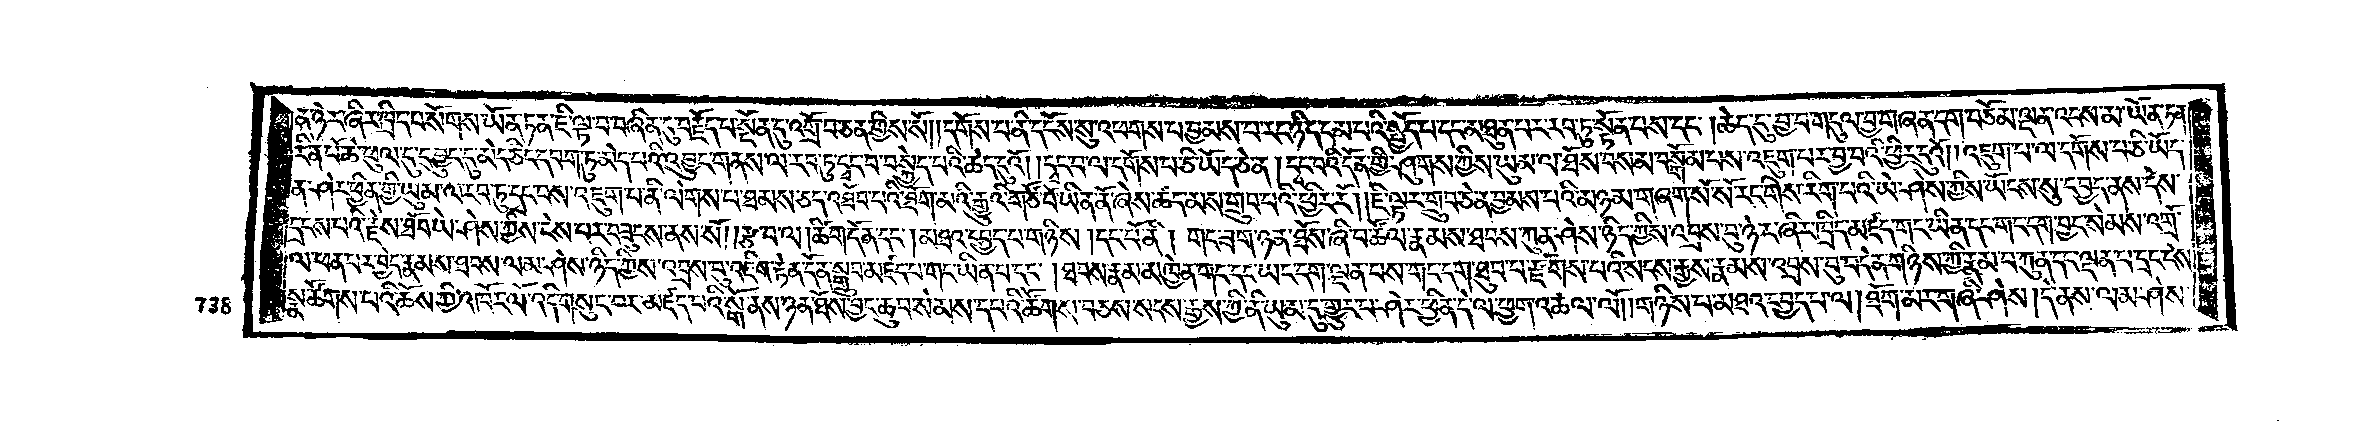ན་ཉེར་ཞིར་ཁྲིད་པ་སོགས་ཡོན་ཏན་ཇི་ལྟ་བ་བཞིན་དུ་བརྗོད་པ་སྔོན་དུ་འགྲོ་བ་ཅན་གྱིས་སོ། །དགོས་པ་ནི་དངོས་སུ་འཕགས་པ་བྱམས་པ་རང་ཉིད་དམ་པའི་སྤྱོད་པ་དང་མཐུན་པར་རབ་ཏུ་སྟོན་པས་དང་། ཆེད་དུ་བྱ་བ་གདུལ་བྱ་གཞན་དག་བཅོམ་ལྡན་འདས་མ་ཡོན་ཏན་
རིན་པོ་ཆེ་ཕུལ་དུ་དབྱུང་དུ་མེད་ཅིང་དཔག་ཏུ་མེད་པའི་འབྱུང་གནས་ལ་རབ་ཏུ་དྭང་བ་བསྐྱེད་པའི་ཆེད་དུའོ། །དྭང་བ་ལ་དགོས་པ་ཅི་ཡོད་ཅེ་ན། དྭང་བའི་དོན་གྱི་ཤུགས་ཀྱིས་ཡུམ་ལ་ཐོས་བསམ་བསྒོམ་པས་འཇུག་པར་བྱ་བའི་ཕྱིར་དུའོ། །འཇུག་པ་ལ་དགོས་པ་ཅི་ཡོད་
ན་ཤེར་ཕྱིན་གྱི་ཡུམ་ལ་རབ་ཏུ་དྭང་བས་འཇུག་པ་ནི་ལེགས་པ་ཐམས་ཅད་འཐོབ་པའི་ཐོག་མའི་རྒྱུའི་གཙོ་བོ་ཡིན་ནོ་ཞེས་ཚད་མས་གྲུབ་པའི་ཕྱིར་རོ། །ཇི་ལྟར་གྲུབ་ཅེ་ན་བྱམས་པའི་མཉམ་གཞག་སོ་སོ་རང་གིས་རིག་པའི་ཡེ་ཤེས་ཀྱིས་ཡོངས་སུ་དཔྱད་ནས་དེས་
དྲངས་པའི་རྗེས་ཐོབ་ཡེ་ཤེས་ཀྱིས་ངེས་པར་བཟུངས་ནས་སོ། །རྩ་བ་ལ། ཚིག་དོན་དང་། མཐའ་དཔྱད་པ་གཉིས། དང་པོ་ནི། གང་ཟག་ཉན་ཐོས་ཞི་བ་ཚོལ་རྣམས་ཐབས་ཀུན་ཤེས་ཉིད་ཀྱིས་འབྲས་བུ་ཉེར་ཞིར་ཁྲིད་མཛད་གང་ཡིན་དང་གང་དག་བྱང་སེམས་འགྲོ་
ལ་ཕན་པར་བྱེད་རྣམས་ཐབས་ལམ་ཤེས་ཉིད་ཀྱིས་འབྲས་བུ་འཇིག་རྟེན་དོན་སྒྲུབ་མཛད་པ་གང་ཡིན་པ་དང་། ཐབས་རྣམ་མཁྱེན་གང་དང་ཡང་དག་ལྡན་པས་གང་དག་ཐུབ་པ་རྫོགས་པའི་སངས་རྒྱས་རྣམས་འབྲས་བུ་བདེན་གཉིས་ཀྱི་རྣམ་པ་ཀུན་དང་ལྡན་པ་དྲང་ངེས་
སྣ་ཚོགས་པའི་ཆོས་ཀྱི་འཁོར་ལོ་འདི་གསུང་བར་མཛད་པའི་སྒོ་ནས་ཉན་ཐོས་བྱང་ཆུབ་སེམས་དཔའི་ཚོགས་བཅས་སངས་རྒྱས་ཀྱི་ནི་ཡུམ་དུ་གྱུར་པ་ཤེར་ཕྱིན་དེ་ལ་ཕྱག་འཚལ་ལོ། །གཉིས་པ་མཐའ་དཔྱད་པ་ལ། ཐོག་མར་གཞི་ཤེས། དེ་ནས་ལམ་ཤེས་